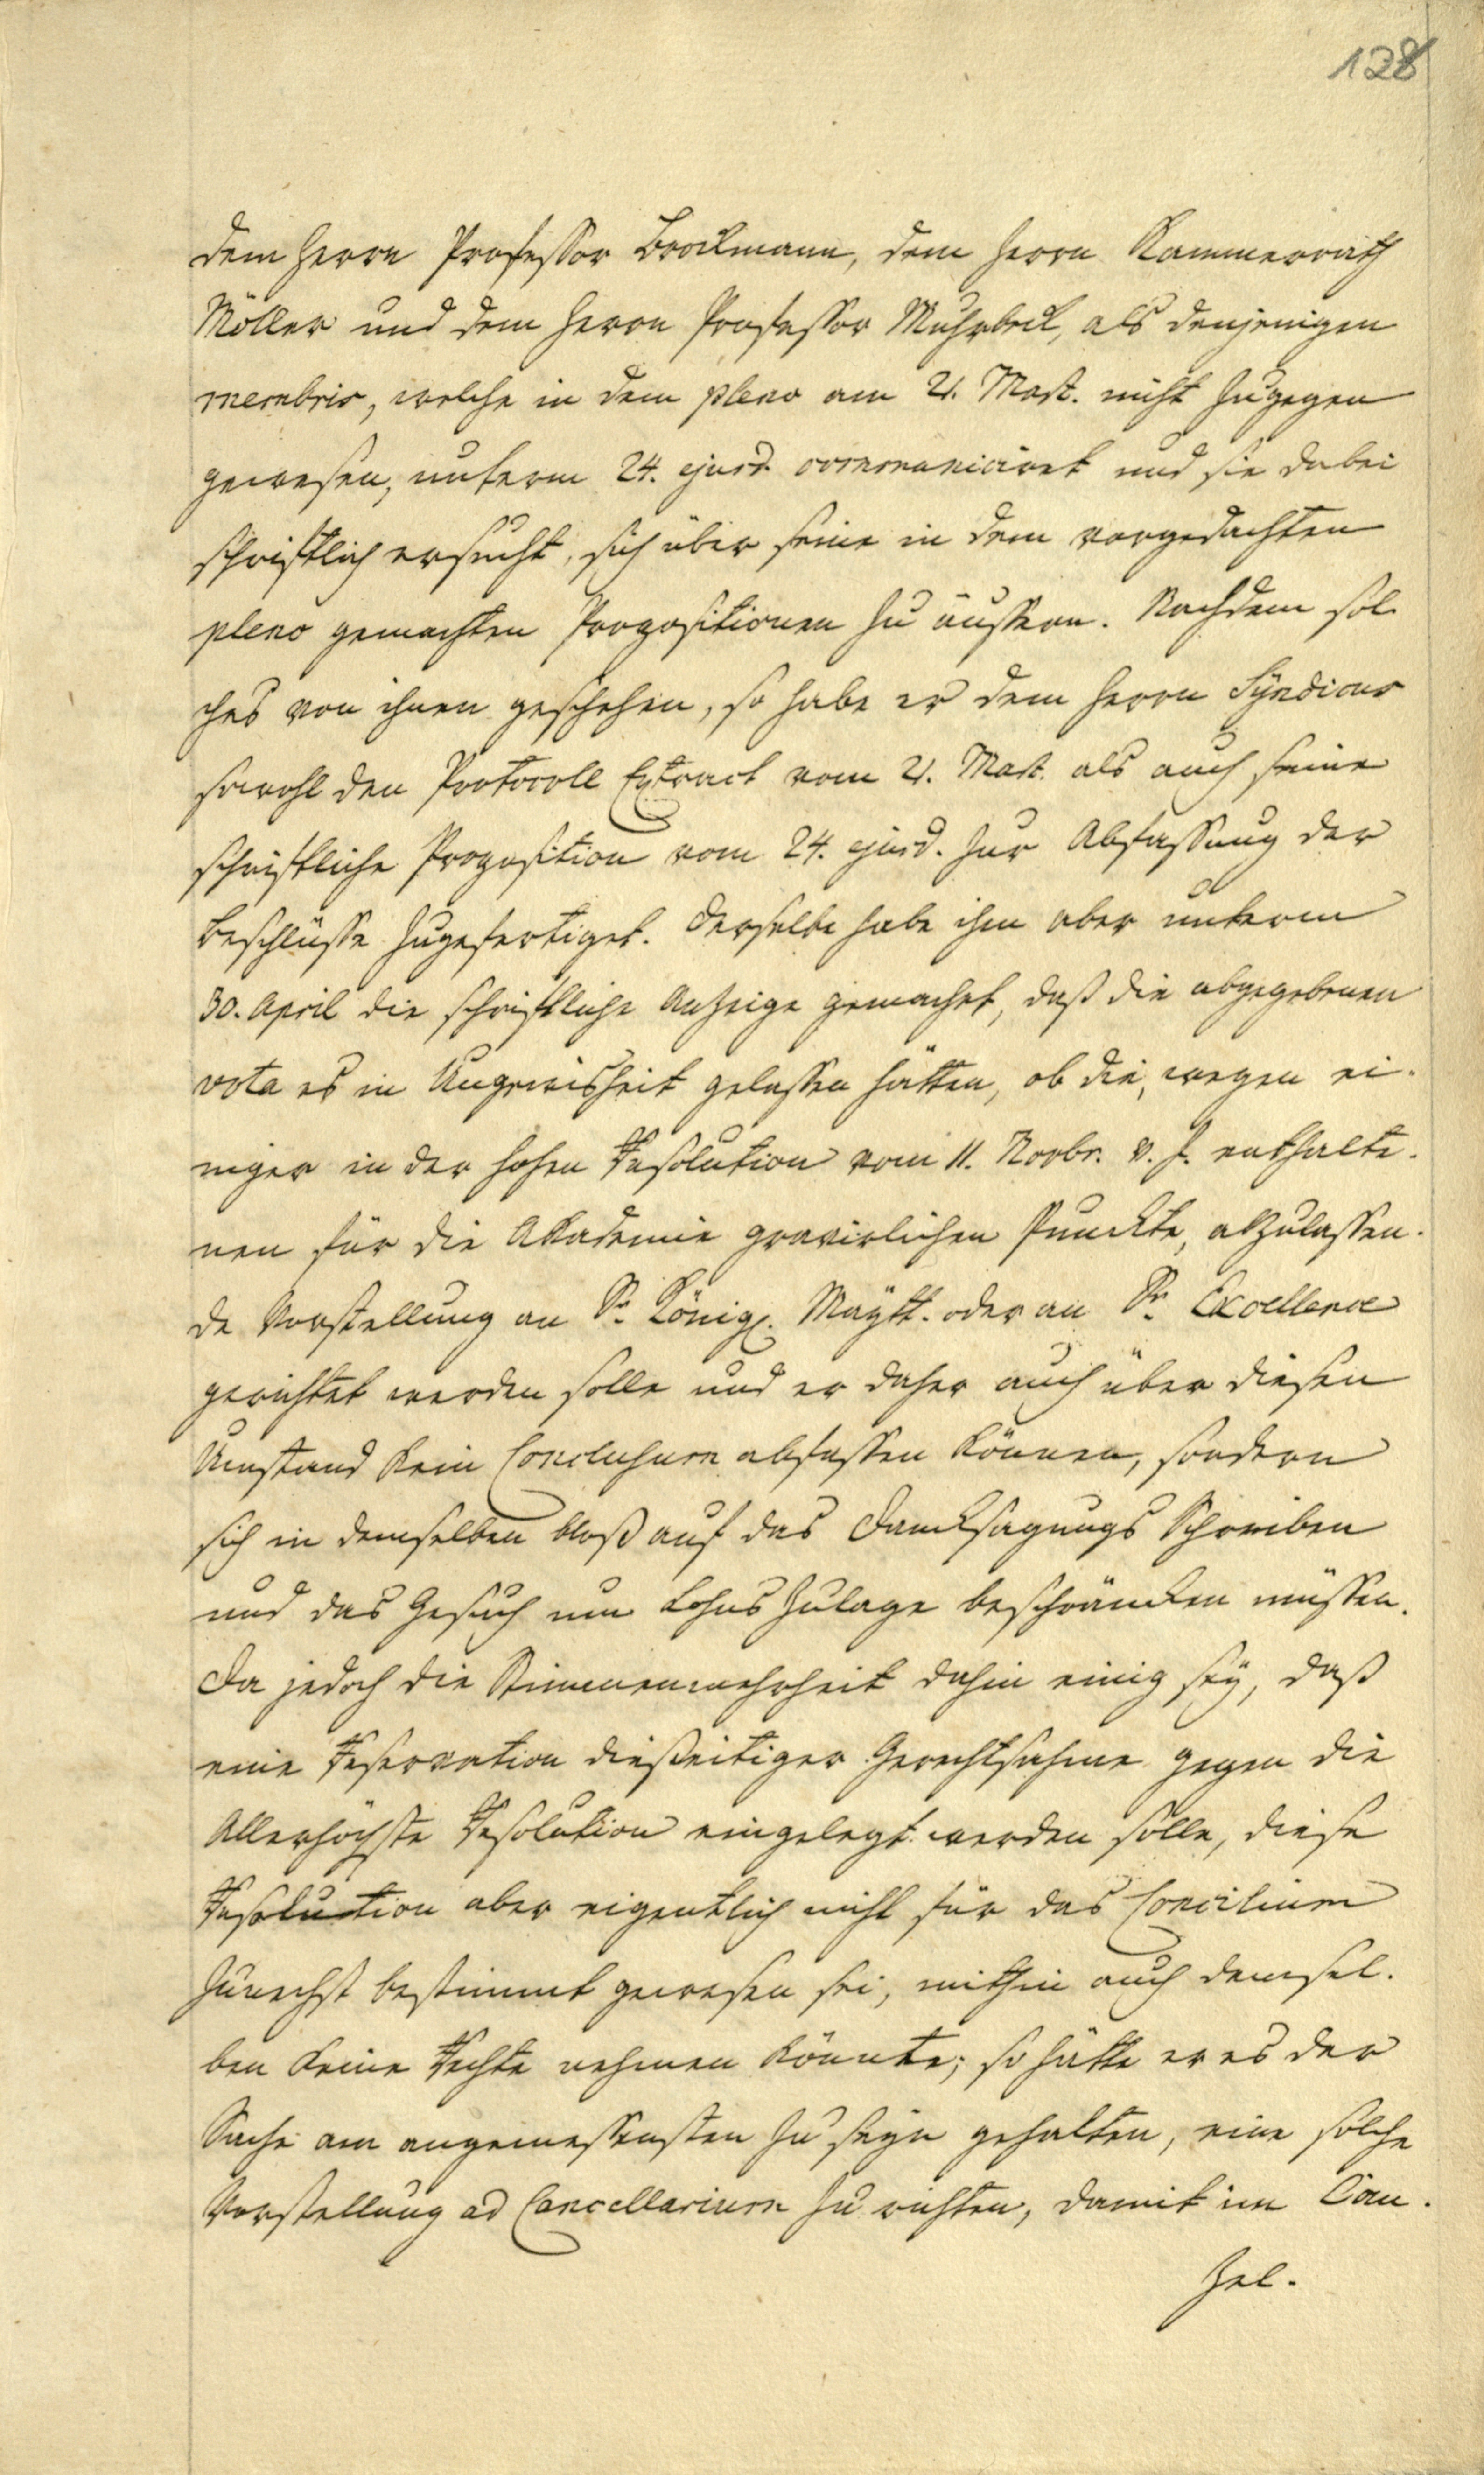dem Herrn Professor Brockmann, dem Herrn Kammerrath
Möller und dem Herrn Professor Muhrbeck, als denjenigen
membris, welche in dem pleno am 24. Mart. nicht zugegen
gewesen, unterm 24. ejusd. communiciret und sie dabei
schriftlich ersucht, sich über seine in dem vorgedachten
pleno gemachten Propositionen zu äussern. Nachdem sol¬
ches von ihnen geschehen, so habe er dem Herrn Sÿndicus
sowohl den Protocoll Extract vom 21. Mart als auch seine
schriftliche Proposition vom 24. ejusd. zur Abfassung der
Beschlüsse zugefertiget. Derselbe habe ihm aber unterm
30. April die schriftliche Anzeige gemachet, daß die abgegebenen
vota es in Ungewisheit gelassen hätten, ob die wegen ei¬
niger in der hohen Resolution vom 11. Novbr. v. J. enthalte¬
nen für die Akademie gravirlichen Punckte, abzulassen¬
de Vorstellung an Sr. Königl. Maÿtt. oder an Sr Excellence
gerichtet werden solle und er daher auch über diesen
Umstand kein Conclusum abfassen können, sondern
sich in demselben bloß auf das Dancksagungs Schreiben
und das Gesuch um Lohns Zulage beschräncken müssen.
Da jedoch die Stimmenmehrheit dahin einig seÿ, daß
eine Reservation diesseitiger Gerechtsahme gegen die
Allerhöchste Resolution eingelegt werden solle, diese
Resolution aber eigentlich nicht für das Concilium
zunechst bestimmt gewesen sei, mithin auch demsel¬
ben keine Rechte nehmen könnte, so hätte er es der
Sache am angemessensten zu seÿn gehalten, eine solche
Vorstellung ad Cancellarium zu richten, damit im Can¬
zel